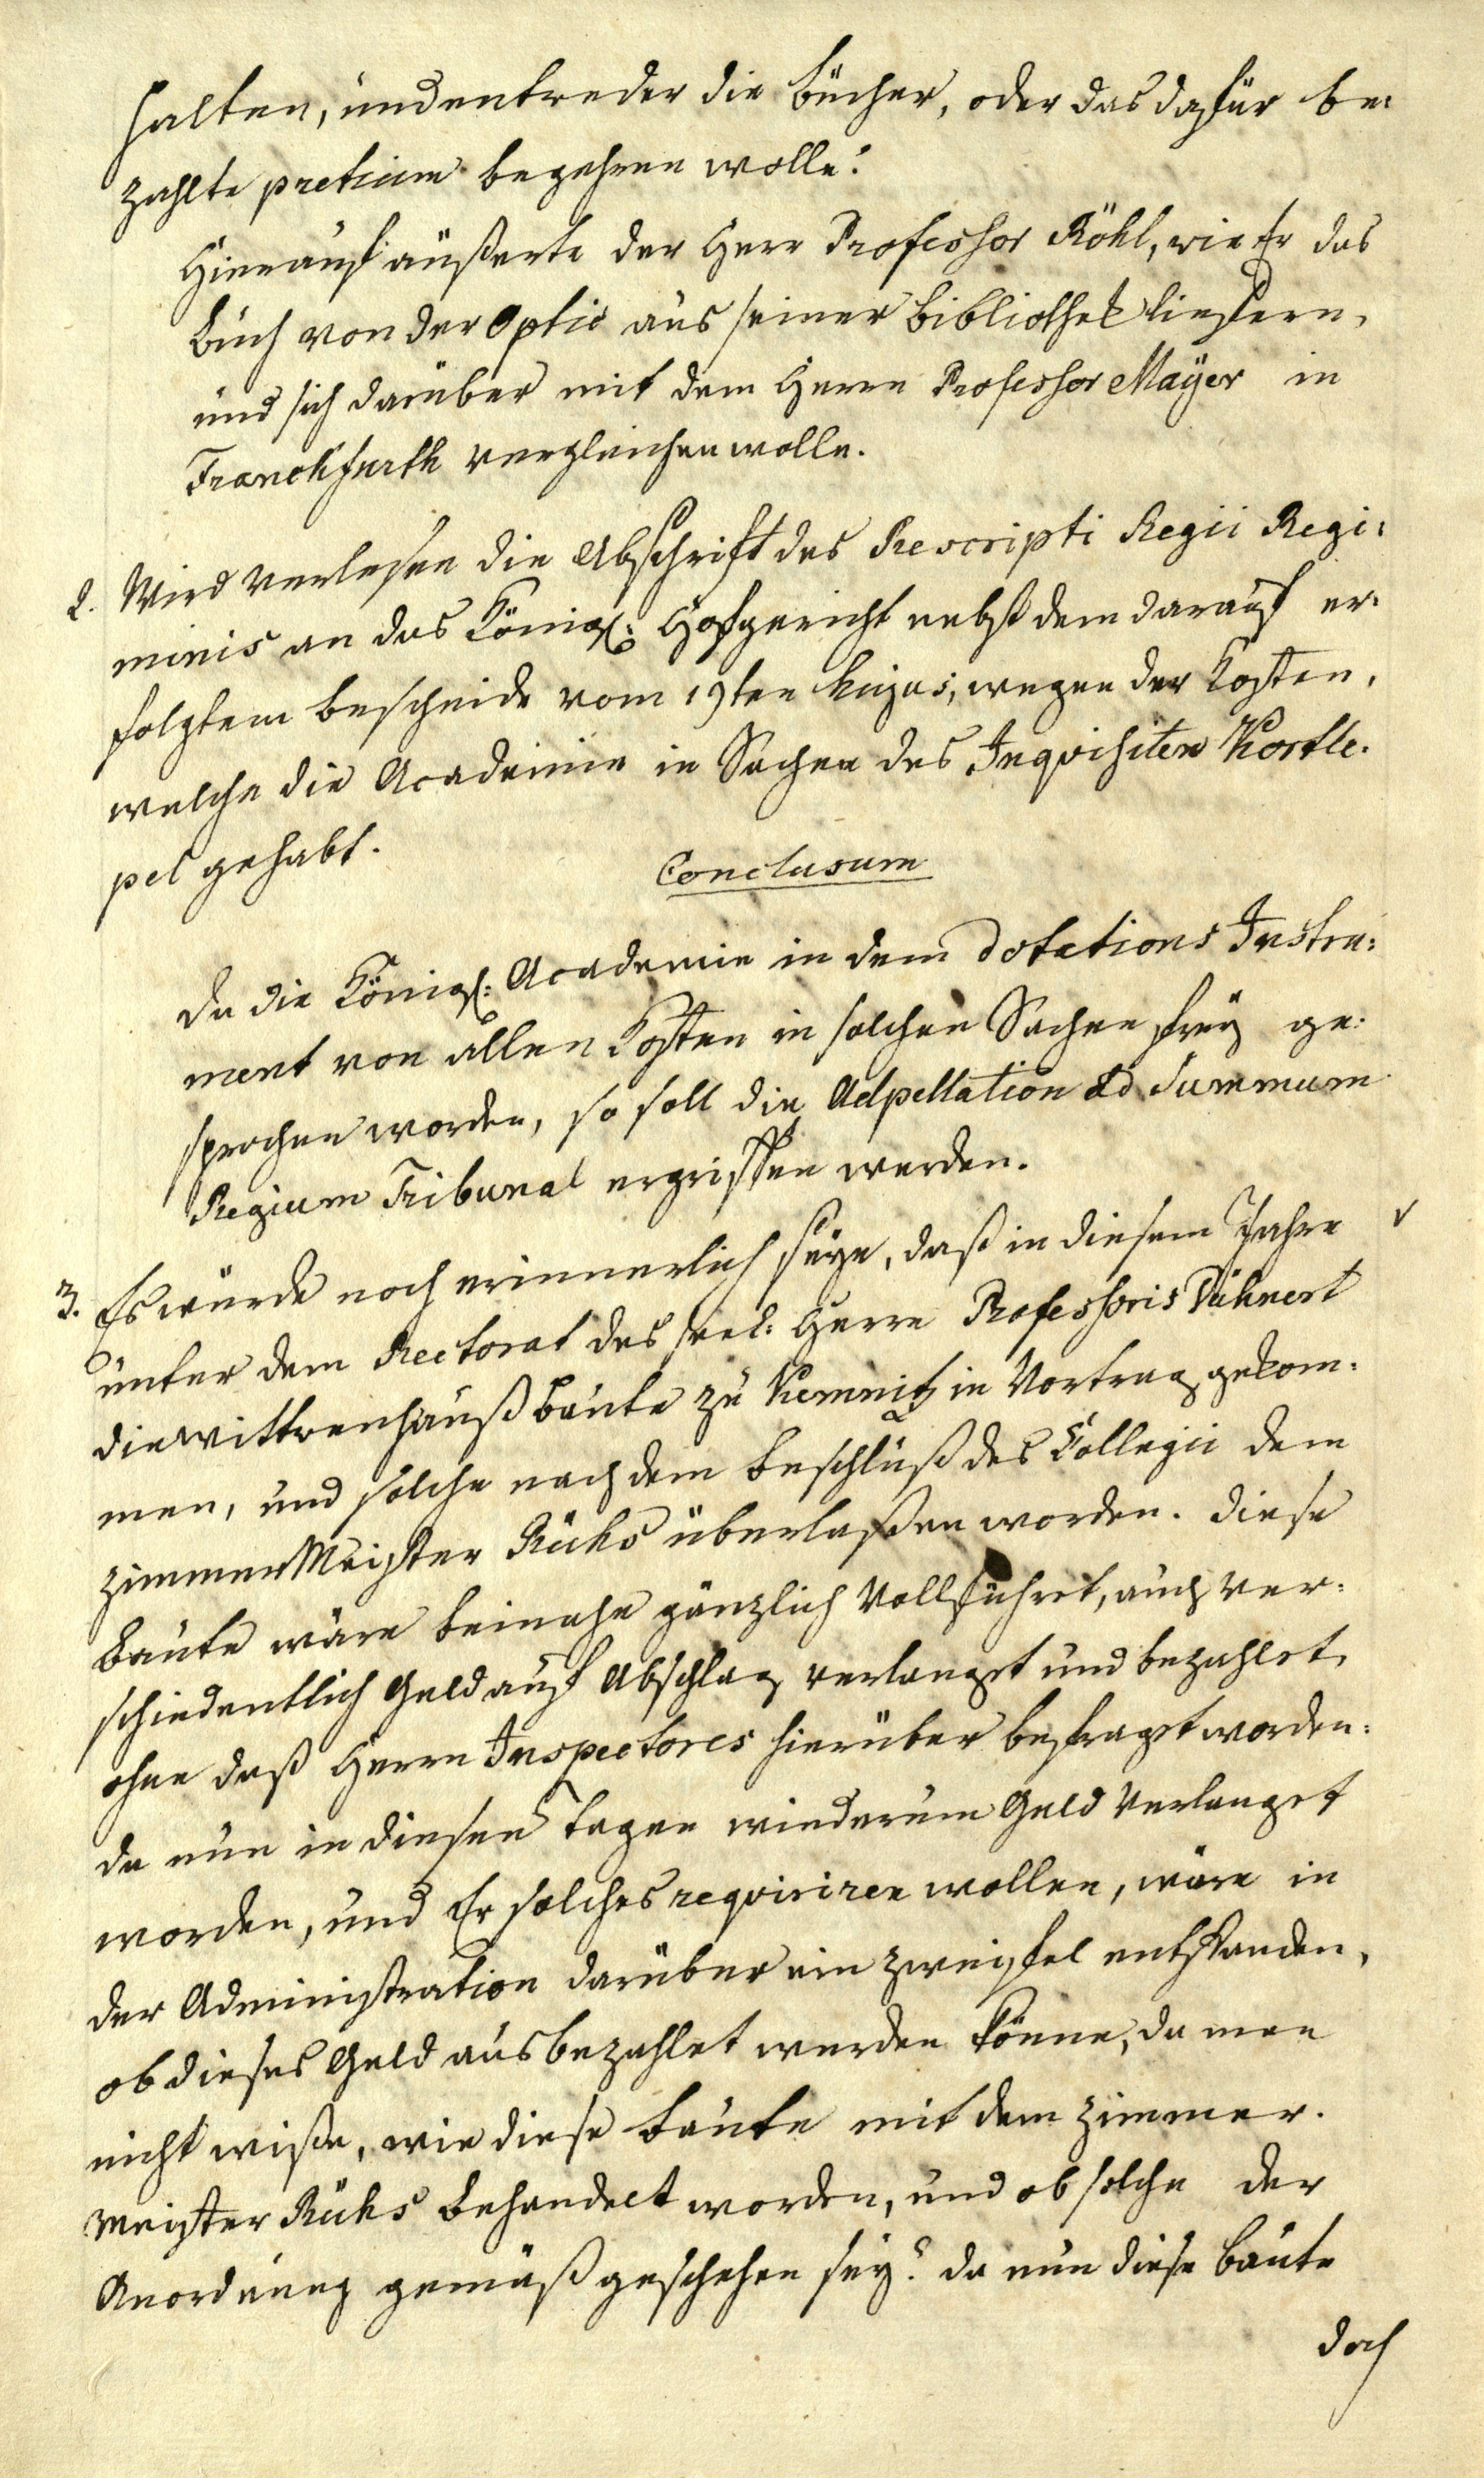halten, undentweder die Bücher, oder das dafür be¬
zahlte pretium begehren wolle?
Hierauf äußerte der Herr Professor Röhl, wie Er das
Buch von der Optic aus seiner Bibliothek liefern
und sich darüber mit dem Herrn Professor Maÿer in
Franckfurth vergleichen wolle.
2. Wird verlesen die Abschrift des Rescripti Regii Regi¬
minis an das Königl. Hofgericht nebst dem darauf er¬
folgtem Bescheide vom 19ten hujus, wegen der Kosten,
welche die Academie in Sachen des Inquisiten Kortle¬
pel gehabt.
Conclusum
Da die Königl. Academie in dem dotations Instru¬
ment von allen Kosten in solchen Sachen freÿ ge¬
sprochen worden, so soll die Adpellation ad Summum
Regium Tribunal ergriffen werden.
3. Es würde noch erinnerlich seÿn, daß in diesem Jahre
unter dem Rectorat des seel. Herrn Professoris Dähnert
die wittwenhauß Baute zu Kemnitz in Vortrag gekom¬
men, und solche nach dem Beschluß der Collegii dem
ZimmerMeister Rühs überlaßen worden. Diese
Baute wäre beinahe gänzlich vollführet, auch ver¬
schiedentlich Geld auf Abschlag verlanget und bezahlet,
ohne daß Herrn Inspectores hierüber befraget worden.
da nun in diesen Tagen wiederum Geld verlanget
worden, und Er solches requiriren wollen, wäre in
der Administration darüber ein Zweifel entstanden,
ob dieses Geld ausbezahlet werden könne, da man
nicht wiße, wie diese Baute mit dem Zimmer¬
meister Rühs behandelt worden, und ob solche der
Anordnung gemäß geschehen seÿ? da nun diese Baute
doch